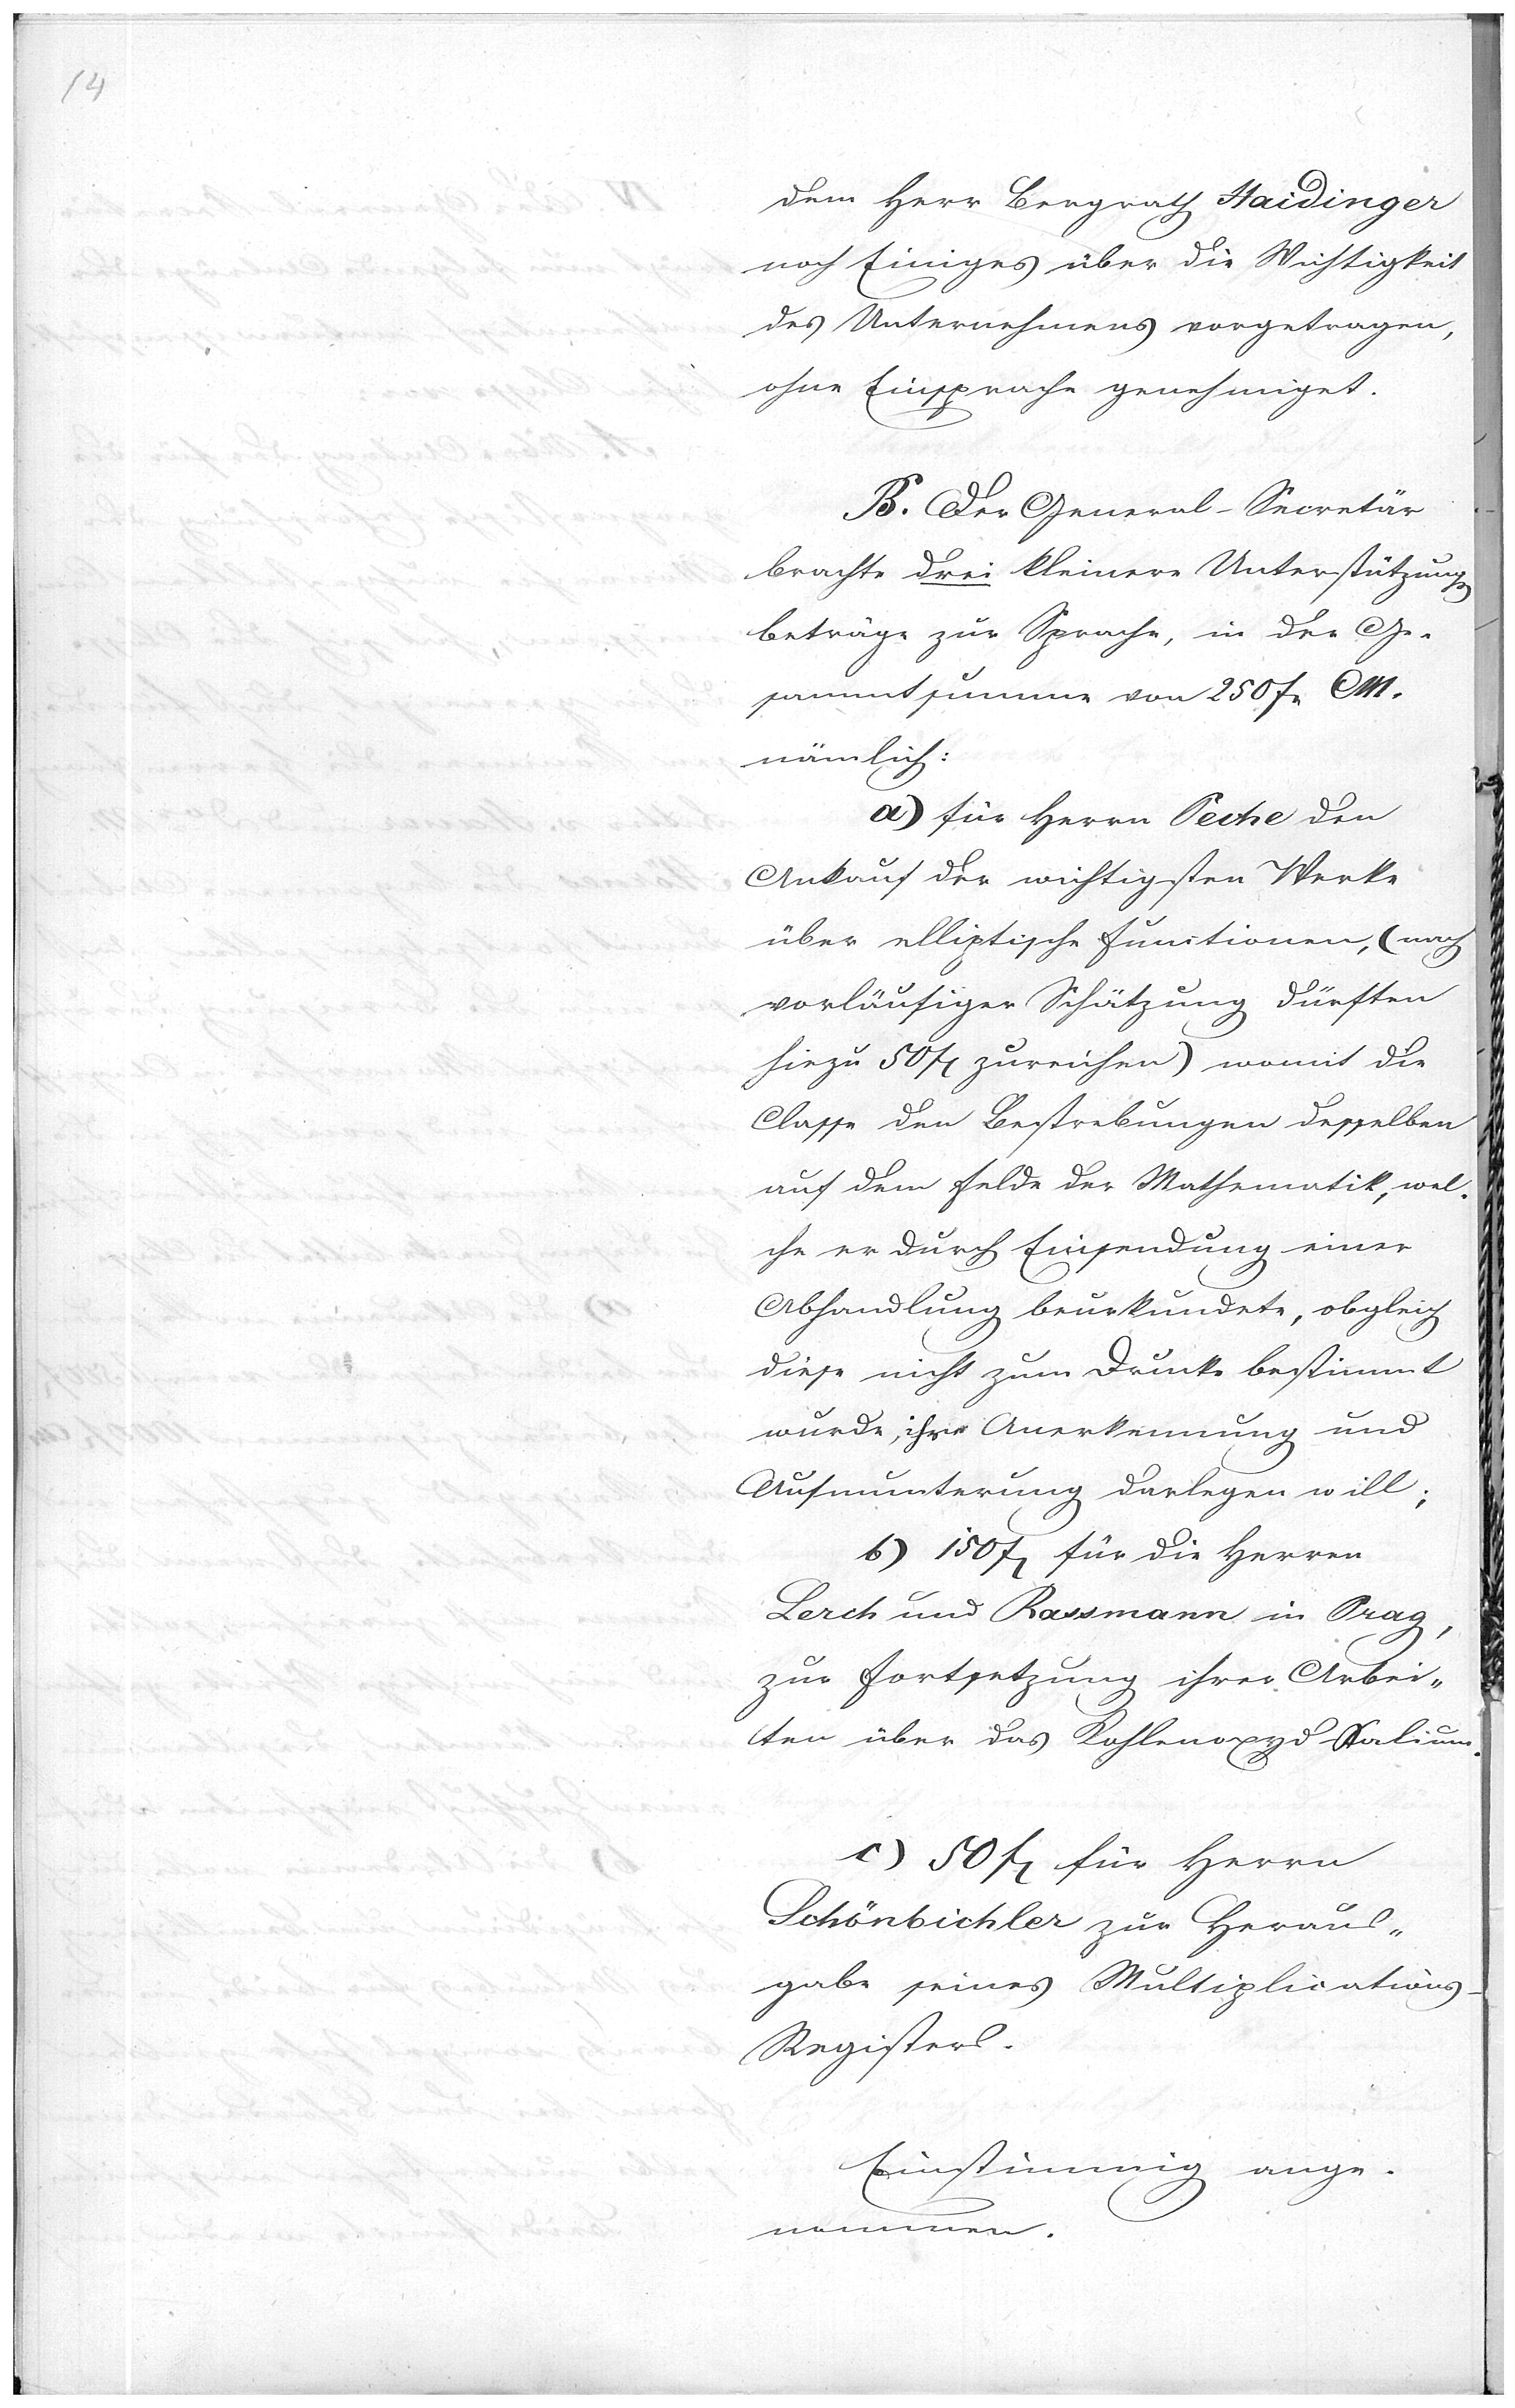dem Herr Bergrath Haidinger
noch einiges über die Wichtigkeit
des Unternehmens vorgetragen,
ohne Einsprache genehmiget.
B. Der General-Secretär
brachte drei kleinere Unterstützungs-
Beträge zur Sprache, in der Ge-
sammtsumme von 250 fl CM-
nämlich:
a) für Herrn Peche den
Ankauf der wichtigsten Werke
über elliptische Functionen, (nach
vorläufiger Schätzung dürften
hiezu 50 fl zureichen) womit die
Classe den Bestrebungen desselben
auf dem Felde der Mathematik, wel-
che er durch Einsendung einer
Abhandlung beurkundete, obgleich
diese nicht zum Drucke bestimmt
wurde, ihre Anerkennung und
Aufmunterung darlegen will;
b) 150 fl für die Herren
Lerch und Rassmann in Prag,
zur Fortsetzung ihrer Arbei-
ten über das Kohlenoxyd-Calium,
c) 50 fl für Herrn
Schönbichler zur Heraus-
gabe seines Multiplications-
Registers.
Einstimmig ange-
nommen.